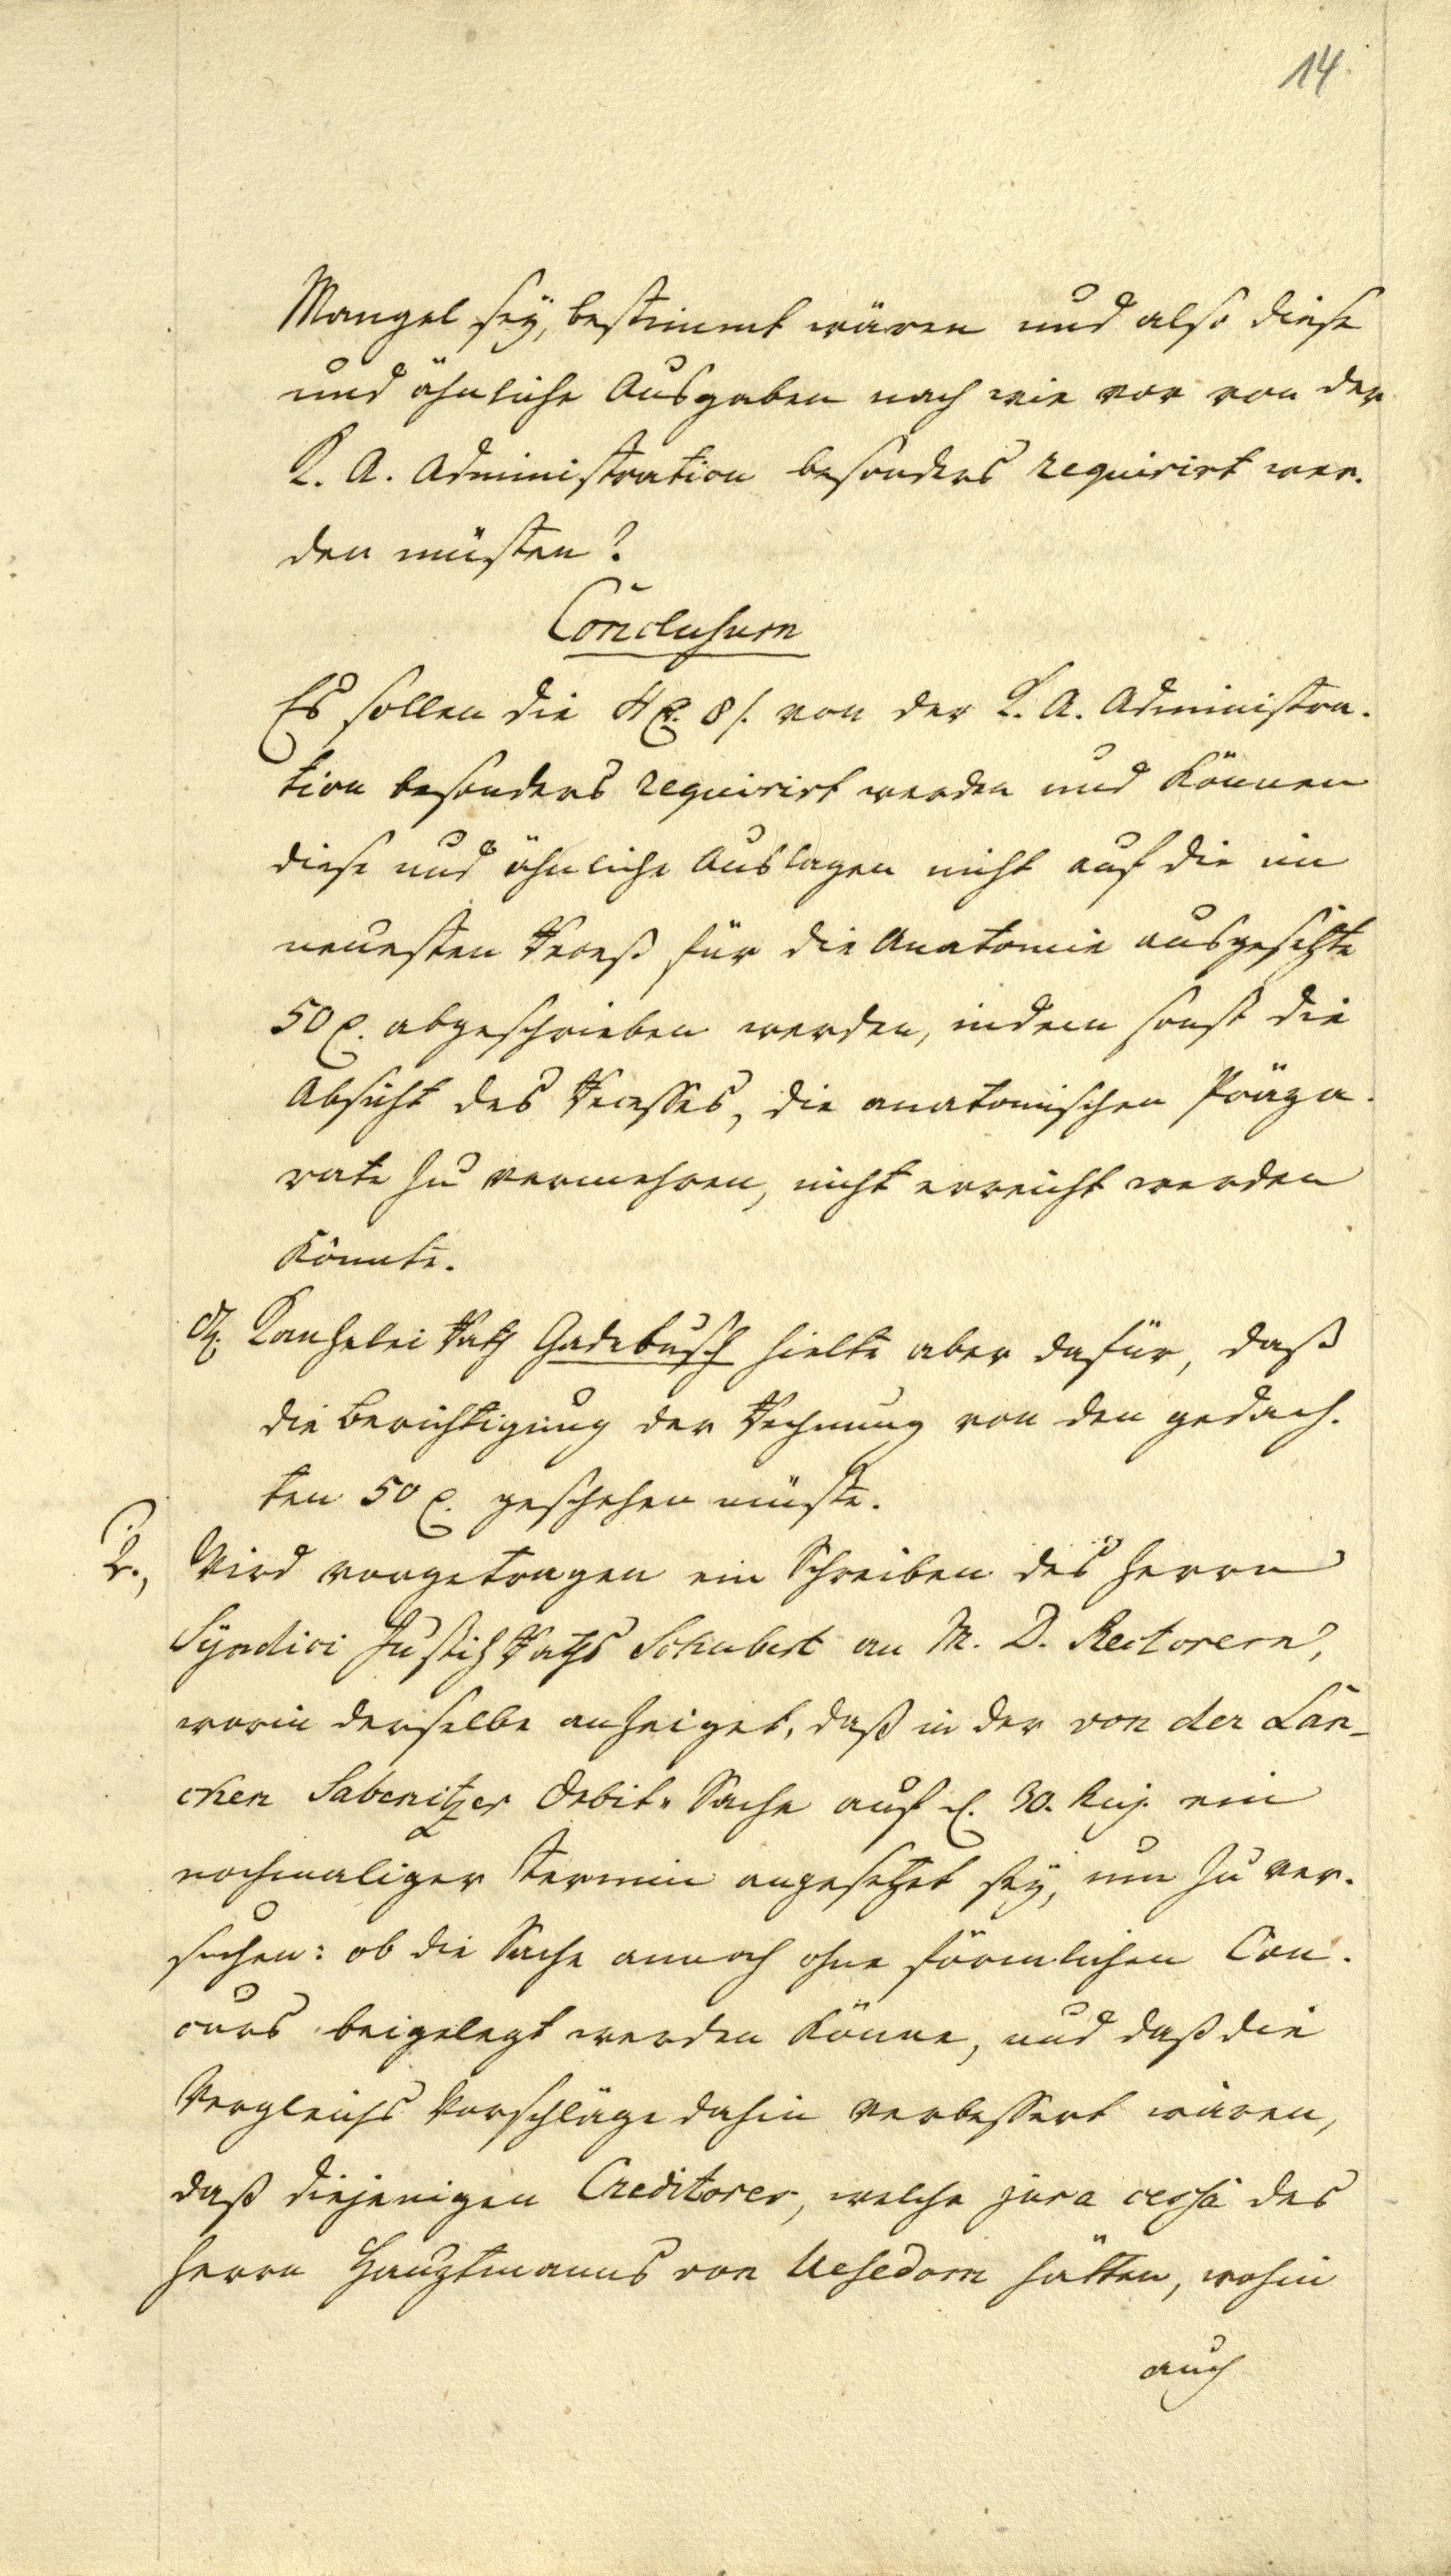Mangel seÿ, bestimmt wären und also diese
und ähnliche Ausgaben nach wie vor von der
K. A. Aadministration besonders requiriret wer¬
den müsten?
Conclusum
Es sollen die 4 l. 8 s. von der K. A. Administra¬
tion besonders requiriret werden und können
diese und ähnliche Auslagen nicht auf die im
neuesten Receß für die Anatomie ausgesetzte
50 l. abgeschrieben werden, indem sonst die
Absicht des Recesses, die anatomischen Prä¬
parate zu vermehren, nicht erreicht werden
könnte.
dh. Kanzelei Rath Gadebusch hielte aber dafür, daß
die Berichtigung der Rehnung von den gedach¬
ten 50 l. geschehen müste.
2., Wird vorgetragen ein Schreiben des herrn
Sÿndici Justiz Raths Schubert an M. D. Rectorem,
worin derselbe aufzeiget, daß in der von der Lan¬
cken Sabenitzer Debit-Sache auf l. 30. huj. ein
nochmaliger Termin angesetzet seÿ, um zu ver¬
suchen: ob die Sache annoch ohne förmlichen Con¬
curs beigelegt werden könne, und daß die
Vergleichs Vorschläge dahin verbessert wären,
daß diejenigen Creditores, welche jura cessa des
herrn Hauptmanns von Usedom hätten, wohin
auch